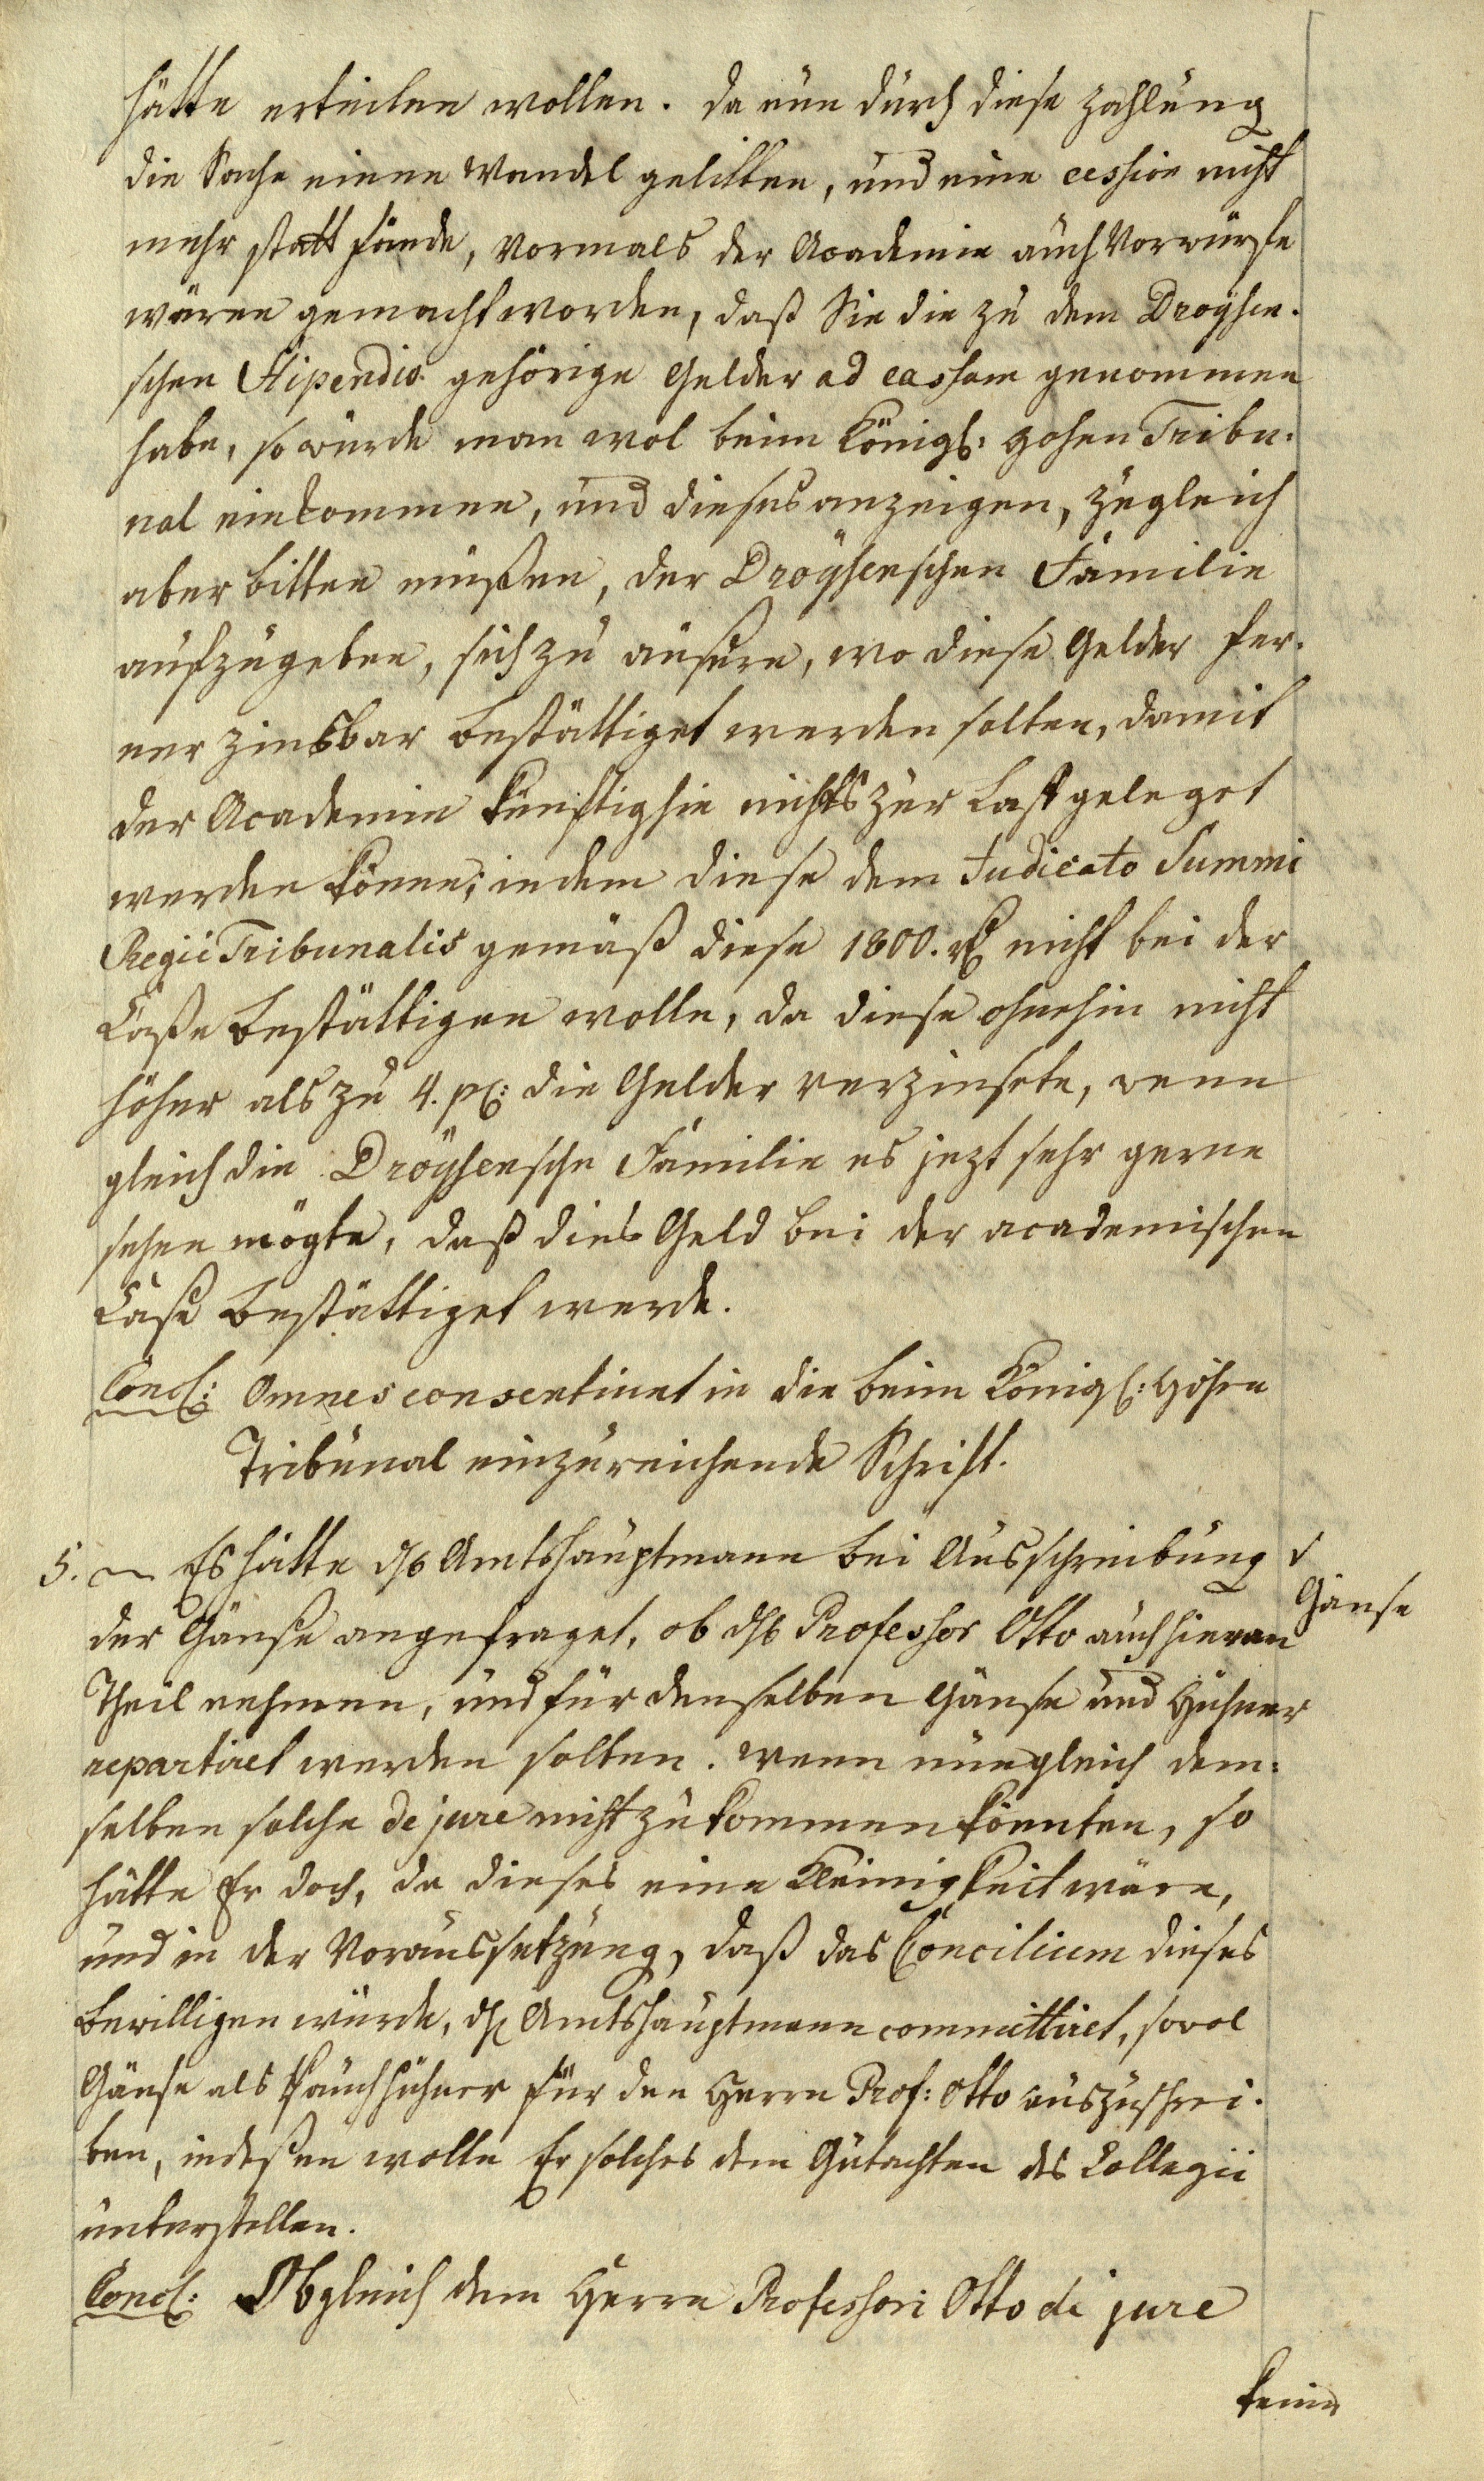hätte erteilen wollen. Da nun durch diese Zahlung
die Sache einen Wandel gelitten, und eine cession nicht
mehr statt fände, vormals der Academie auch Vorwürfe
wären gemacht worden, daß Sie die zu dem Droÿsen¬
schen Stipendio gehörige Gelder ad cassam genommen
habe, so würde man wol beim Königl: hohen Tribu¬
nal einkommen, und dieses anzeigen, zugleich
aber bitten müßen, der Droÿsenschen Familie
aufzugeben, sich zu äußern, wo diese Gelder fer¬
ner zinsbar bestättiget werden solten,damit
der Academie künftighin nichts zur Last geleget
werden könne; indem diese dem Judicato Summi
Regii Tribunalis gemäß diese 1800. r. nicht bei der
Caße bestättigen wolle, da diese ohnehin nicht
höher als zu 4. p: die Gelder verzinsete, wenn
gleich die Droÿsensche Familie es jezt sehr gerne
sehen mögte, daß dies Geld bei der academischen
Caße bestättiget werde.
Concl: Omnes consentiunt in die beim Königl: Hohen
Tribunal einzureichende Schrift.
5. Es hätte dh Amtshauptmann bei Ausschreibung
der Gänse angefraget, ob dh Profesor Otto auch hieran Gänse
Theil nehmen, und für denselben Gänse und Hühner
repartiret werden solten. wenn nungleich dem¬
selben solche de jure nicht zukommen könnten, so
hätte Er doch, da dieses eine Kleinigkeit wäre,
und in der Voraussetzung, daß das Concilium dieses
bewilligen würde, dh Amtshauptmann commitiret, sowol
Gänse als Rauchhühner für den Herrn Prof: Otto auszuschrei¬
ben, indeßen wolle Er solches dem Gutachten des Collegii
unterstellen.
Concl: Obgleich dem Herrn Professori Otto de jure
keine